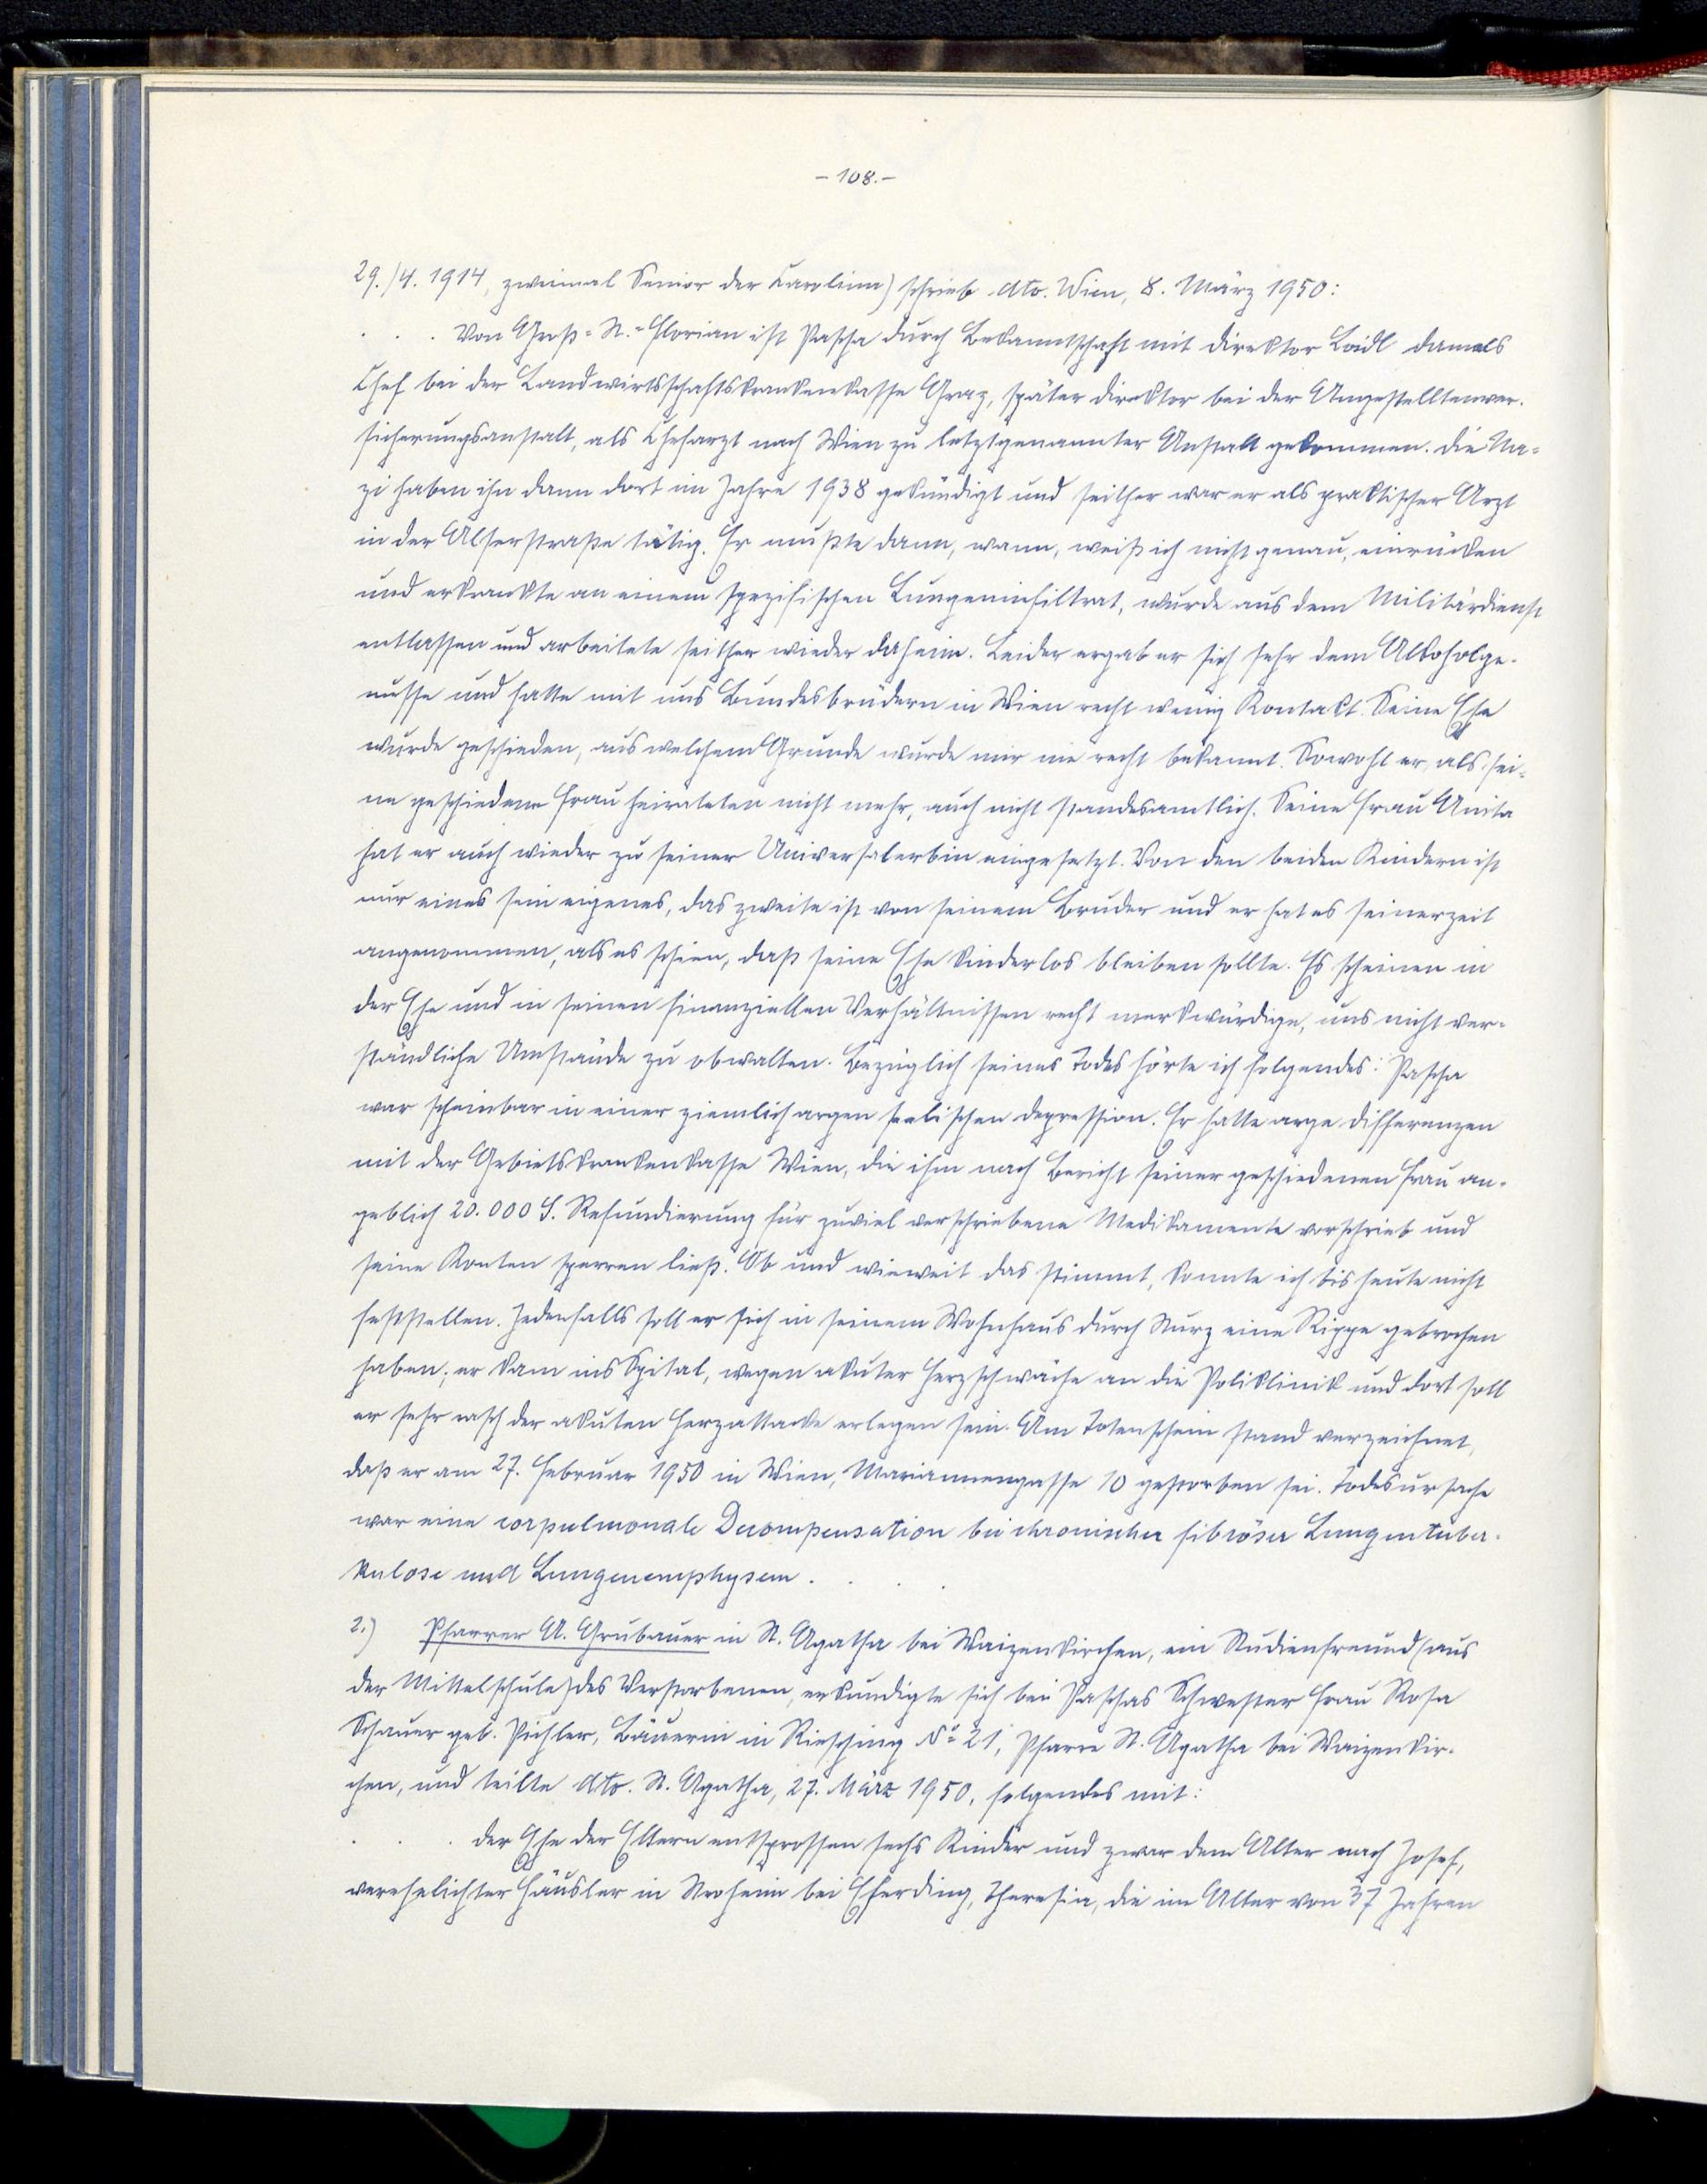108
29. /4. 1914, zweimal Senior der Carolina) schrieb dto. Wien, 8. März 1950:
Von Groß.- St. - Florian ist Pascha durch Bekanntschaft mit Direktor Loidl damals
Chef bei der Landwirkschaftskrankenkasse Graz, später Direktor bei der Angestelltenver.
sicherungsanstalt, als Chefarzt nach Wien zu letztgenannter Anstalt gekommen. Die Na-
zi haben ihn dann dort im Jahre 1938 gekündigt und seither war er als praktischer Arzt
in der Alserstraße tätig. Er mußte dann, wann, weiß ich nicht genau, einrücken
und erkrankte an einem spezifischen Lungeninfiltrat, wurde aus dem Militärdienst
entlassen und arbeitete seither wieder daheim. Leider ergab er sich sehr dem Alkoholge-
nusse und hatte mit uns Bundesbrüdern in Wien recht wenig Kontakt. Seine Ehe
wurde geschieden, aus welchem Grund wurde mir nie recht bekannt. Sowohl er als sei-
ne geschieden Frau heirateten nicht mehr, auch nicht standesamtlich. Seine Frau Anita
hat er auch wieder zu seiner Unversalerbin eingesetzt. Von den beiden Kindern ist
nur eines sein eigenes, das zweite ist von seinen Bruder und er hat es seinerzeit
angenommen, als es schien, daß seine Ehe kinderlos bleiben sollte. Es scheinen in
der Ehe und in seinen finanziellen Verhältnissen recht merkwürdige, uns nicht ver-
ständliche Unstände zu obwalten bezüglich seines Todes hörte ich folgendes: Pascha
war scheinbar in einer ziemlich argen seelischen Depression. Er hatte arge differenzen
mit der Gebietskrankenkasse Wien, die ihm nach Bericht seiner geschiedenen Frau an-
geblich 20.000 S Refundierung für zuviel verschriebene Medikamente vorschrieb und
seine Konten sperren ließ. Ob und wieweit das stimmt, konnte ich bis heute nicht
feststellen. Jedenfalls soll er sich in seinem Wohnfaus durch Sturz eine Rippe gebrochen
haben, er kam ins Spital, wegen akuter Herzschwäche an die Poliklinik und dort soll
er sehr rasch der akuten Herzattacke erlegen sein. Am Totenschein stand verzeichnet
daß er am 27. Februar 1950 in Wien, Mariannengase 10 gestorben sei. Todesursache
war eine corpulmonale Decompsensation bei chronischer fibröser Lungentuber-
kulose und Lungenemphysem.
2) Pfarrer A. Grubauer in St. Agatha bei Waizenkirchen, ein Studienfreund (aus
der Mittelschule)des Verstorbenen erkundigte sich bei Paschas Schwester Frau Rosa
Aschauer geb. Pichler, Bäuerin in Riesching Nr. 21, Pfarre St. Agatha bei Waizenkir-
chen, und teilte dto. St. Agatha, 27. März 1950, folgendes mit:
Der Ehe der Eltern entsprossen sechs Kinder und zwar dem Alter nach Josef,
verehelichter Häusler in Stroheim bei Eferding, Theresia, die im Alter von 37 Jahren